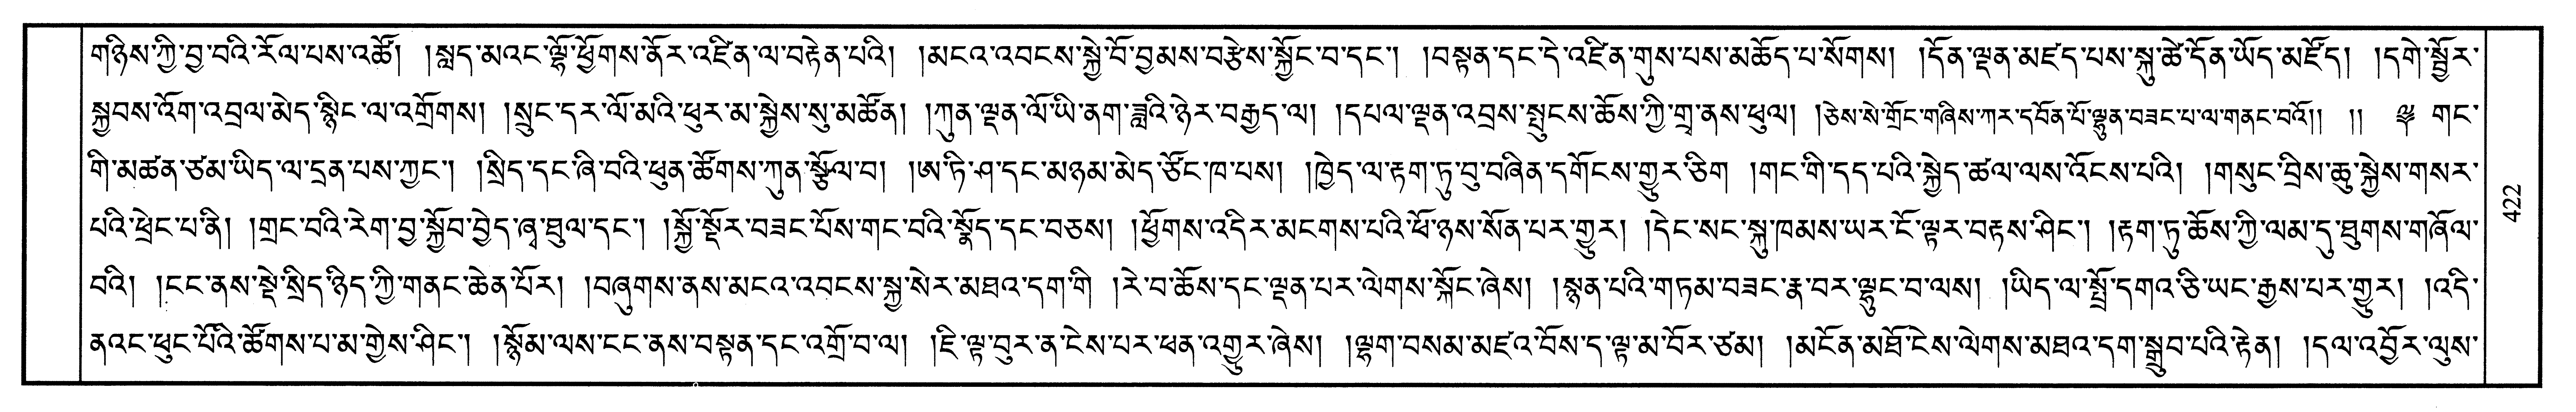གཉིས་ཀྱི་བྱ་བའི་རོལ་པས་འཚོ། །སླད་མའང་ལྷོ་ཕྱོགས་ནོར་འཛིན་ལ་བརྟེན་པའི། །མངའ་འབངས་སྐྱེ་བོ་བྱམས་བརྩེས་སྐྱོང་བ་དང་། །བསྟན་དང་དེ་འཛིན་གུས་པས་མཆོད་པ་སོགས། །དོན་ལྡན་མཛད་པས་སྐུ་ཚེ་དོན་ཡོད་མཛོད། །དགེ་སྦྱོར་
སྐྱབས་འོག་འབྲལ་མེད་སྙིང་ལ་འགྲོགས། །སྲུང་དར་ལོ་མའི་ཕུར་མ་སྐྱེས་སུ་མཚོན། །ཀུན་ལྡན་ལོ་ཡི་ནག་ཟླའི་ཉེར་བརྒྱད་ལ། །དཔལ་ལྡན་འབྲས་སྤུངས་ཆོས་ཀྱི་གྲྭ་ནས་ཕུལ། །ཅེས་སེ་གྲོང་གཞིས་ཀར་དབོན་པོ་ལྷུན་བཟང་པ་ལ་གནང་བའོ།། །། ༈ གང་
གི་མཚན་ཙམ་ཡིད་ལ་དྲན་པས་ཀྱང་། །སྲིད་དང་ཞི་བའི་ཕུན་ཚོགས་ཀུན་སྩོལ་བ། །ཨ་ཏི་ཤ་དང་མཉམ་མེད་ཙོང་ཁ་པས། །ཁྱེད་ལ་རྟག་ཏུ་བུ་བཞིན་དགོངས་གྱུར་ཅིག །གང་གི་དད་པའི་སྐྱེད་ཚལ་ལས་འོངས་པའི། །གསུང་བྲིས་ཆུ་སྐྱེས་གསར་
པའི་ཕྲེང་བ་ནི། །གྲང་བའི་རེག་བྱ་སྐྱོབ་བྱེད་ཞྭ་ཐུལ་དང་། །སྐྱོ་སྡོར་བཟང་པོས་གང་བའི་སྣོད་དང་བཅས། །ཕྱོགས་འདིར་མངགས་པའི་ཕོ་ཉས་སོན་པར་གྱུར། །དེང་སང་སྐུ་ཁམས་ཡར་ངོ་ལྟར་བརྟས་ཤིང་། །རྟག་ཏུ་ཆོས་ཀྱི་ལམ་དུ་ཐུགས་གཞོལ་
བའི། །ངང་ནས་སྡེ་སྲིད་ཉིད་ཀྱི་གནང་ཆེན་པོར། །བཞུགས་ནས་མངའ་འབངས་སྐྱ་སེར་མཐའ་དག་གི །རེ་བ་ཆོས་དང་ལྡན་པར་ལེགས་སྐོང་ཞེས། །སྙན་པའི་གཏམ་བཟང་རྣ་བར་ལྷུང་བ་ལས། །ཡིད་ལ་སྤྲོ་དགའ་ཅི་ཡང་རྒྱས་པར་གྱུར། །འདི་
ནའང་ཕུང་པོའི་ཚོགས་པ་མ་གྱེས་ཤིང་། །སྙོམ་ལས་ངང་ནས་བསྟན་དང་འགྲོ་བ་ལ། །ཇི་ལྟ་བུར་ན་ངེས་པར་ཕན་འགྱུར་ཞེས། །ལྷག་བསམ་མཛའ་བོས་ད་ལྟ་མ་བོར་ཙམ། །མངོན་མཐོ་ངེས་ལེགས་མཐའ་དག་སྒྲུབ་པའི་རྟེན། །དལ་འབྱོར་ལུས་